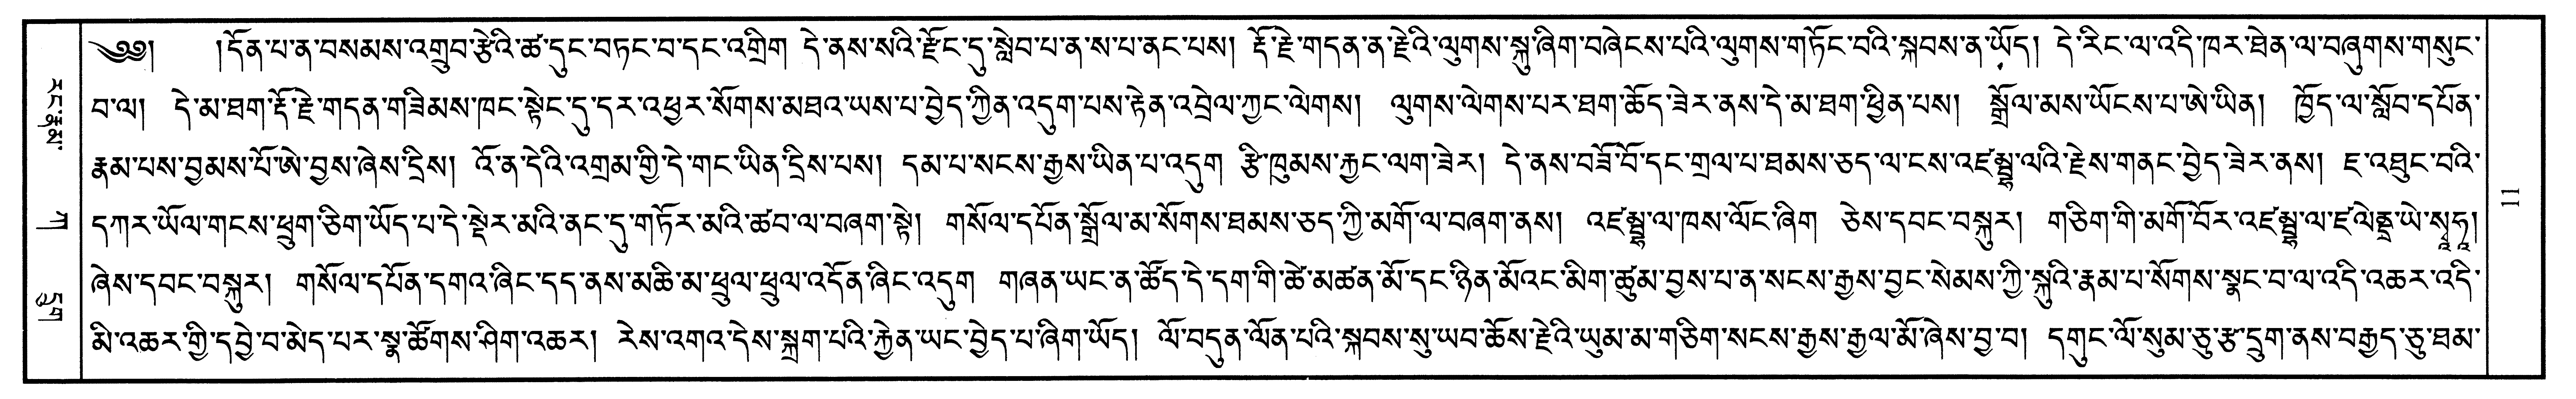༄༅། །དོན་པ་ན་བསམས་འགྲུབ་རྩེའི་ཚ་དུང་བཏང་བ་དང་འགྲིག །དེ་ནས་སའི་རྫོང་དུ་སླེབ་པ་ན་ས་པ་ནང་པས། རྡོ་རྗེ་གདན་ན་རྗེའི་ལུགས་སྐུ་ཞིག་བཞེངས་པའི་ལུགས་གཏོང་བའི་སྐབས་ན་ཡོད། དེ་རིང་ལ་འདི་ཁར་ཐེན་ལ་བཞུགས་གསུང་
བ་ལ། དེ་མ་ཐག་རྡོ་རྗེ་གདན་གཟིམས་ཁང་སྟེང་དུ་དར་འཕྱར་སོགས་མཐའ་ཡས་པ་བྱེད་ཀྱིན་འདུག་པས་རྟེན་འབྲེལ་ཀྱང་ལེགས། ལུགས་ལེགས་པར་ཐག་ཆོད་ཟེར་ནས་དེ་མ་ཐག་ཕྱིན་པས། སྒྲོལ་མས་ཡོངས་པ་ཨེ་ཡིན། ཁྱོད་ལ་སློབ་དཔོན་
རྣམ་པས་བྱམས་པོ་ཨེ་བྱས་ཞེས་དྲིས། འོ་ན་དེའི་འགྲམ་གྱི་དེ་གང་ཡིན་དྲིས་པས། དམ་པ་སངས་རྒྱས་ཡིན་པ་འདུག། རྩི་ཁུམས་རྐྱང་ལག་ཟེར། དེ་ནས་བཟོ་བོ་དང་གྲལ་པ་ཐམས་ཅད་ལ་ངས་འཛམྦྷ་ལའི་རྗེས་གནང་བྱེད་ཟེར་ནས། ཇ་འཐུང་བའི་
དཀར་ཡོལ་གངས་ཕྲུག་ཅིག་ཡོད་པ་དེ་སྡེར་མའི་ནང་དུ་གཏོར་མའི་ཚབ་ལ་བཞག་སྟེ། གསོལ་དཔོན་སྒྲོལ་མ་སོགས་ཐམས་ཅད་ཀྱི་མགོ་ལ་བཞག་ནས། འཛམྦྷ་ལ་ཁས་ལོང་ཞིག། ཅེས་དབང་བསྐུར། གཅིག་གི་མགོ་བོར་འཛམྦྷ་ལ་ཛ་ལེནྡྲ་ཡེ་སྭཱ་ཧཱ།
ཞེས་དབང་བསྐུར། གསོལ་དཔོན་དགའ་ཞིང་དད་ནས་མཆི་མ་ཕྲུལ་ཕྲུལ་འདོན་ཞིང་འདུག། གཞན་ཡང་ན་ཚོད་དེ་དག་གི་ཚེ་མཚན་མོ་དང་ཉིན་མོའང་མིག་ཚུམ་བྱས་པ་ན་སངས་རྒྱས་བྱང་སེམས་ཀྱི་སྐུའི་རྣམ་པ་སོགས་སྣང་བ་ལ་འདི་འཆར་འདི་
མི་འཆར་གྱི་དབྱེ་བ་མེད་པར་སྣ་ཚོགས་ཤིག་འཆར། རེས་འགའ་དེས་སྐྲག་པའི་རྐྱེན་ཡང་བྱེད་པ་ཞིག་ཡོད། ལོ་བདུན་ལོན་པའི་སྐབས་སུ་ཡབ་ཆོས་རྗེའི་ཡུམ་མ་གཅིག་སངས་རྒྱས་རྒྱལ་མོ་ཞེས་བྱ་བ། དགུང་ལོ་སུམ་ཅུ་རྩ་དྲུག་ནས་བརྒྱད་ཅུ་ཐམ་